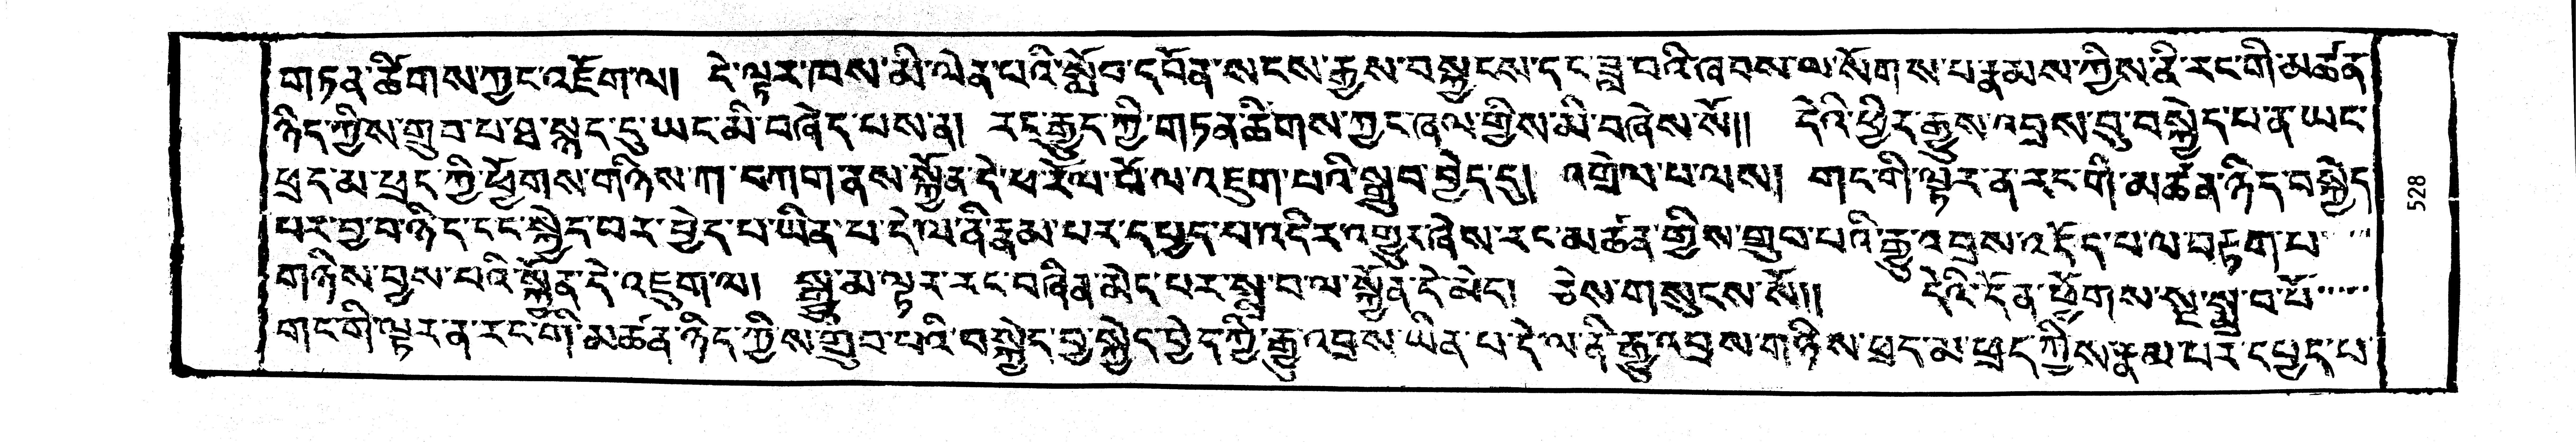གཏན་ཚིགས་ཀྱང་འཇོག་ལ། དེ་ལྟར་ཁས་མི་ལེན་པའི་སློབ་དཔོན་སངས་རྒྱས་བསྐྱངས་དང་ཟླ་བའི་ཞབས་ལ་སོགས་པ་རྣམས་ཀྱིས་ནི་རང་གི་མཚན་
ཉིད་ཀྱིས་གྲུབ་པ་ཐ་སྙད་དུ་ཡང་མི་བཞེད་པས་ན། རང་རྒྱུད་ཀྱི་གཏན་ཚིགས་ཀྱང་ཞལ་གྱིས་མི་བཞེས་སོ། །དེའི་ཕྱིར་རྒྱུས་འབྲས་བུ་བསྐྱེད་པ་ན་ཡང་
ཕྲད་མ་ཕྲད་ཀྱི་ཕྱོགས་གཉིས་ཀ་བཀག་ནས་སྐྱོན་དེ་ཕ་རོལ་པོ་ལ་འཇུག་པའི་སྒྲུབ་བྱེད་དུ། འགྲེལ་པ་ལས། གང་གི་ལྟར་ན་རང་གི་མཚན་ཉིད་བསྐྱེད་
པར་བྱ་བ་ཉིད་དང་སྐྱེད་པར་བྱེད་པ་ཡིན་པ་དེ་ལ་ནི་རྣམ་པར་དཔྱད་པ་འདིར་གྱུར་ཞེས་རང་མཚན་གྱིས་གྲུབ་པའི་རྒྱུ་འབྲས་འདོད་པ་ལ་བརྟག་པ་
གཉིས་བྱས་པའི་སྐྱོན་དེ་འཇུག་ལ། སྒྱུ་མ་ལྟར་རང་བཞིན་མེད་པ་སྨྲ་བ་ལ་སྐྱོན་དེ་མེད། ཅེས་གསུངས་སོ། །དེའི་དོན་ཕྱོགས་སྔ་སྨྲ་བ་པོ་
གང་གི་ལྟར་ན་རང་གི་མཚན་ཉིད་ཀྱིས་གྲུབ་པའི་བསྐྱེད་བྱ་སྐྱེད་བྱེད་ཀྱི་རྒྱུ་འབྲས་ཡིན་པ་དེ་ལ་ནི་རྒྱུ་འབྲས་གཉིས་ཕྲད་མ་ཕྲད་ཀྱིས་རྣམ་པར་དཔྱད་པ་